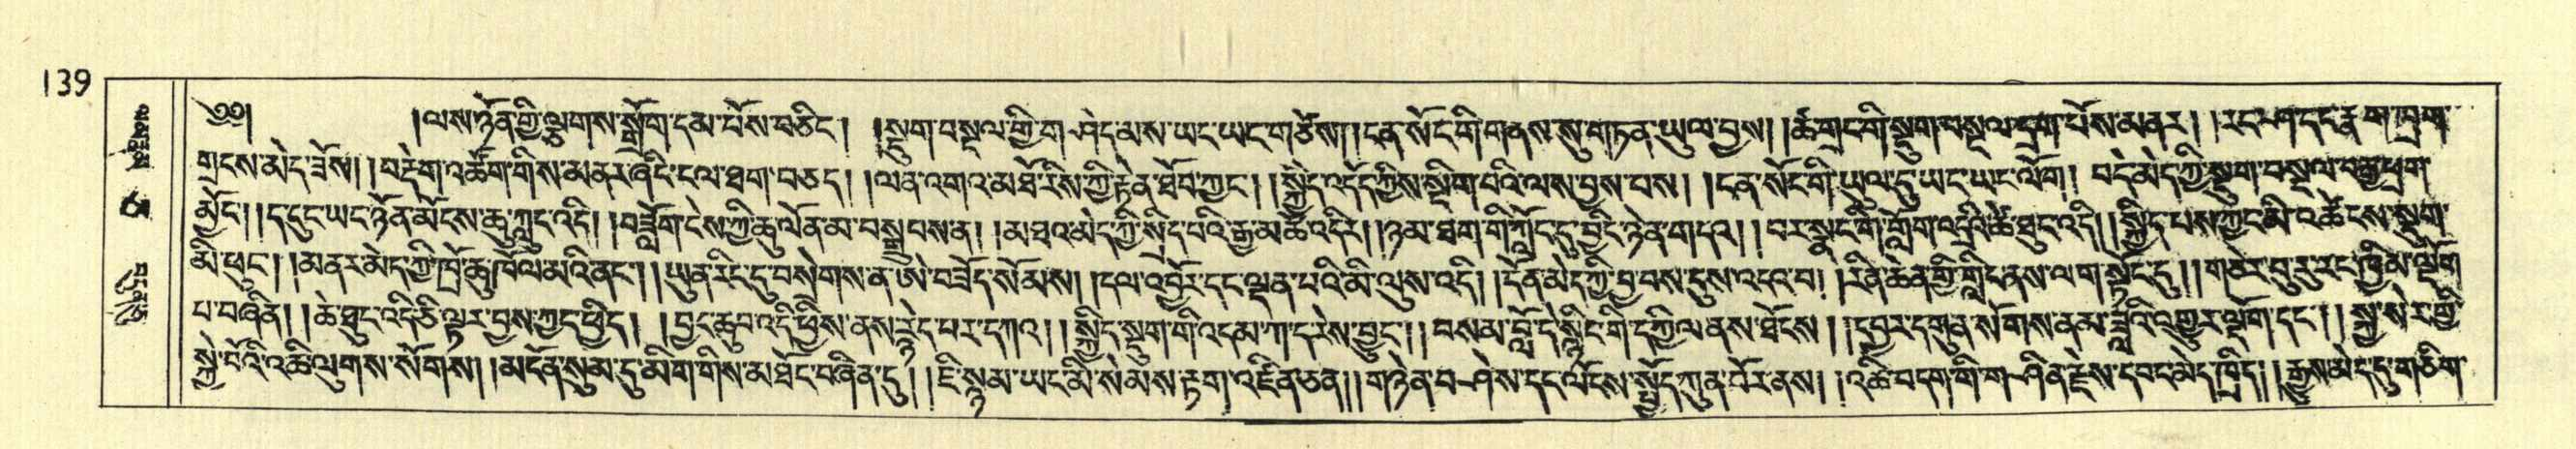༄༅། །ལས་ཉོན་གྱི་ལྕགས་སྒྲོག་དམ་པོས་བཅིང་། །སྡུག་བསྔལ་གྱི་གཤེད་མས་ཡང་ཡང་གཙོས། །ངན་སོང་གི་གནས་སུ་གཏན་ཡུལ་བྱས། །ཚ་གྲང་གི་སྡུག་བསྔལ་དྲག་པོས་མནར། །རང་ཤ་དང་རང་ཁྲག་
གྲངས་མེད་ཟོས། །བརྡེག་འཚོག་གིས་མནར་ཞིང་ངལ་ཐག་བཅད། །ལན་འགའ་མཐོ་རིས་ཀྱི་རྟེན་ཐོབ་ཀྱང་། །སྐྱིད་འདོད་ཀྱིས་སྡིག་བའི་ལས་བྱས་པས། །ངན་སོང་གི་ཡུལ་དུ་ཡང་ཡང་ལོག། བདེ་མེད་ཀྱི་སྡུག་བསྔལ་བརྒྱ་ཕྲག་
མྱོང་། །ད་དུང་ཡང་ཉོན་མོངས་ཆུ་ཀླུང་འདི། །བཟློག་ངེས་ཀྱི་ཆུ་ལོན་མ་བསྒྲུབས་ན། །མཐའ་མེད་ཀྱི་སྲིད་པའི་རྒྱ་མཚོ་འདིར། །ཉམ་ཐག་གི་ཀློང་དུ་བྱིང་ཉེན་གདའ། །བར་སྣང་གི་གློག་འདྲའི་ཚེ་ཐུང་འདི། །སྐྱིད་པས་ཀྱང་མི་འཚེངས་སྡུག་
མི་ཕུང་། །མནར་མེད་ཀྱི་ཁྲོ་ཆུ་ཁོལ་མའི་ནང་། །ཡུན་རིང་དུ་བསྲེགས་ན་ཨེ་བཟོད་སོམས། །དལ་འབྱོར་དང་ལྡན་པའི་མི་ལུས་འདི། །དོན་མེད་ཀྱི་བྱ་བས་དུས་འདའ་བ། །རིན་ཆེན་གྱི་གླིང་ནས་ལག་སྟོང་དུ། །གཅེར་བུ་རུ་རང་ཁྱིམ་ལྡོག་
པ་བཞིན། །ཆེ་ཐུང་འདི་ཅི་ལྟར་བྱས་ཀྱང་ཕྱིད། །བྱང་ཆུབ་འདི་ཕྱིས་ནས་རྙེད་པར་དཀའ། །སྐྱིད་སྡུག་གི་འདམ་ཀ་ད་རེས་བྱུང་། །བསམ་བློ་དེ་སྙིང་གི་དཀྱིལ་ནས་ཐོངས། །དབྱར་དགུན་སོགས་ནམ་ཟླའི་འགྱུར་ལྡོག་དང་། །སྐྱ་སེར་གྱི་
སྐྱེ་བོའི་འཆི་ལུགས་སོགས། །མངོན་སུམ་དུ་མིག་གིས་མཐོང་བཞིན་དུ། །ཇི་སྙམ་ཡང་མི་སེམས་རྟག་འཛིན་ཅན། །གཉེན་བཤེས་དང་ལོངས་སྤྱོད་ཀུན་བོར་ནས། །འཆི་བདག་གི་གཤིན་རྗེས་དབང་མེད་ཁྲིད། །རྒྱུས་མེད་དུ་གཅིག་